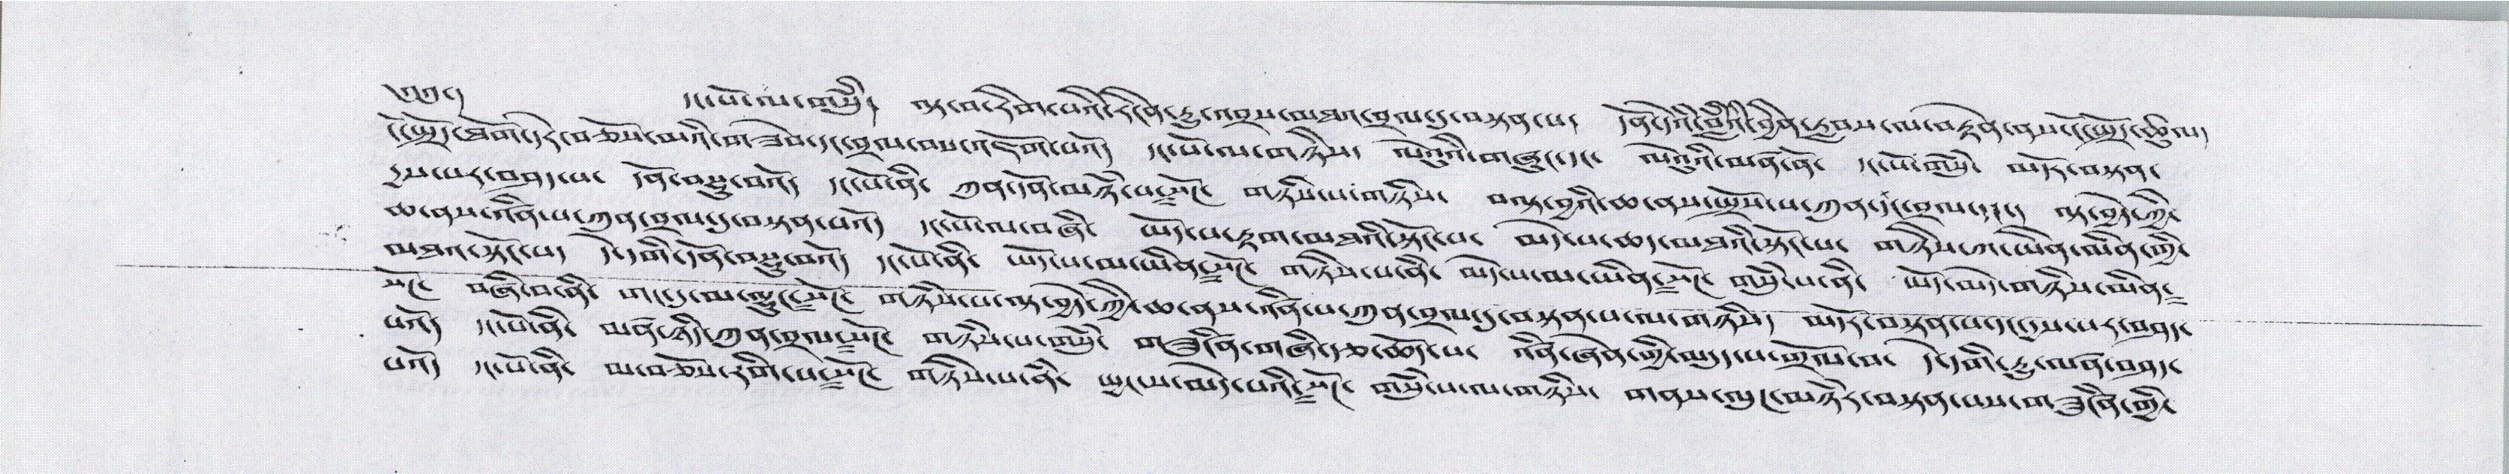དང་པོ་ལ་གསུམ། ལྟ་བ་རིག་པའི་རང་བཞིན་རྒྱུ་འབྲས་མཐའ་བྲལ་དུ་བསྟན་པ། དོན་དེའི་བླ་མའི་བྱིན་རླབས་ལ་བརྟེན་ནས་ངོ་སྤྲོད་ཚུལ། 
ངོ་སྤྲོད་ཐོག་དེར་བཅོས་མའི་གཟེབས་དང་བྲལ་བས་འཇོག་པའོ། དང་པོ་ལ་གཉིས། ལེའུའི་གཞུང་དང་། ལེའུ་མཚན་ནོ། དང་པོ་ལ་གསུམ། མདོར་བསྟན། 
རྒྱས་པར་བཤད་པ། དོན་བསྡུ་བའོ། དང་པོ་ནི། ཀུན་དོན་མཉམ་པ་སོགས། གཉིས་པ་ལ་གཉིས། བལྟ་བྱའི་ཆ་ནས་སྤྲོས་པ་ཀུན་བྲལ་དང་། ལྟ་བྱེད་ཀྱི་
ཆ་ནས་འཛིན་པ་ཀུན་བྲལ་བསྟན་པའོ། དང་པོ་ལ་བཞི། ཡོད་པ་རྟག་མཐའི་སྟོང་པ། མེད་པ་ཆད་མཐའི་སྟོང་པ། གཉིས་ཀ་ཡིན་མིན་གྱི་
མཐའ་སྟོང་པ། དེ་དག་གི་དོན་བསྡུ་བའོ། དང་པོ་ནི། ཡོད་པ་མ་ཡིན་སོགས། གཉིས་པ་ནི། མེད་པ་མ་ཡིན་སོགས། གསུམ་པ་ནི། ཡོད་མེད་གཉིས་མིན་
སོགས། བཞི་པ་ནི། གང་དུ་མ་ལྷུང་སོགས། གཉིས་པ་ལྟ་བྱེད་ཀྱི་ཆ་ནས་འཛིན་པ་ཀུན་བྲལ་དུ་བསྟན་པ་ལ་གཉིས། མདོར་བསྟན་པ་དང་རྒྱས་པར་བཤད་
པའོ། དང་པོ་ནི། མཚན་ཉིད་ཀུན་བྲལ་སོགས། གཉིས་པ་ལ་གསུམ། གཟུང་འཛིན་གཞི་རྩ་ཆོད་པ། འཛིན་ཞེན་གྱི་མདུད་པ་གྲོལ་བ། དེ་དག་གི་རྒྱུ་མཚན་བཤད་
པའོ། དང་པོ་ནི། མ་བཅོས་རིག་པ་སོགས། གཉིས་པ་ནི། གཡང་ས་མེད་པའི་སོགས། གསུམ་པ་ལ་གཉིས། གནས་ལུགས་མཉམ་པར་བསྟན་པས་གཟུང་འཛིན་གྱི་